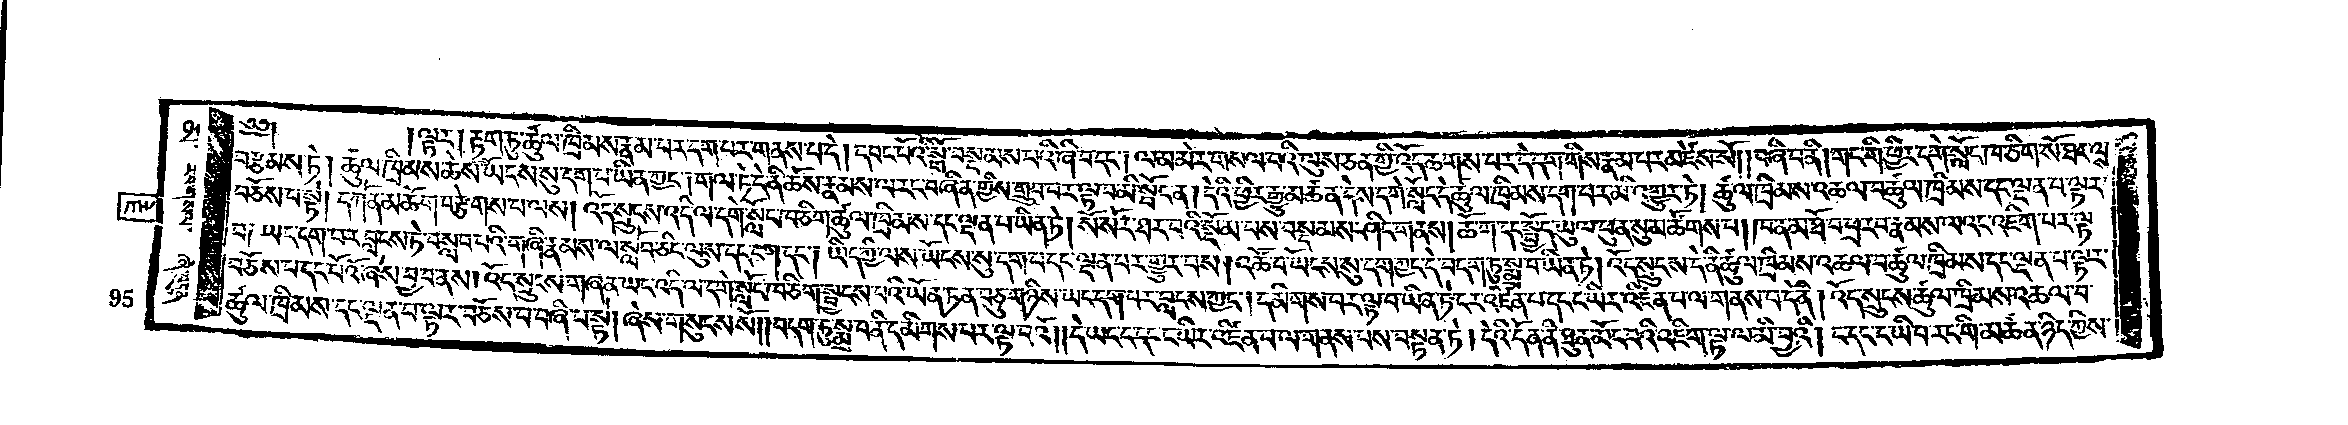༄༅། །ལྟར། རྟག་ཏུ་ཚུལ་ཁྲིམས་རྣམ་པར་དག་པར་གནས་པ་དེ། དབང་པོའི་སྒོ་བསྡམས་པའི་ཞི་བ་དང་། ལམ་མེར་གསལ་བའི་ལུས་ཅན་གྱི་འོད་ཆགས་པར་དེ་དག་གིས་རྣམ་པར་མཛེས་སོ། །བཞི་པ་ནི། གང་གི་ཕྱིར་དགེ་སློང་ཁ་ཅིག་སོ་ཐར་ལས་
བརྩམས་ཏེ། ཚུལ་ཁྲིམས་ཆེས་ཡོངས་སུ་དག་པ་ཡིན་ཀྱང་། གལ་ཏེ་དེ་ནི་ཆོས་རྣམས་ལ་རང་བཞིན་གྱིས་གྲུབ་པར་ལྟ་བ་མི་སྤོང་ན། དེའི་ཕྱིར་རྒྱུ་མཚན་དེས་དགེ་སློང་དེ་ཚུལ་ཁྲིམས་དག་པར་མི་འགྱུར་ཏེ། ཚུལ་ཁྲིམས་འཆལ་བ་ཚུལ་ཁྲིམས་དང་ལྡན་པ་ལྟར་
བཅོས་པ་སྟེ། དཀོན་མཆོག་བརྩེགས་པ་ལས། འོད་སྲུངས་འདི་ལ་དགེ་སློང་ཁ་ཅིག་ཚུལ་ཁྲིམས་དང་ལྡན་པ་ཡིན་ཏེ། སོ་སོར་ཐར་པའི་སྡོམ་པས་བསྡམས་ཤིང་གནས། ཆོ་ག་དང་སྤྱོད་ཡུལ་ཕུན་སུམ་ཚོགས་པ། ཁ་ན་མ་ཐོ་བ་ཕྲ་རབ་རྣམས་ལའང་འཇིག་པར་ལྟ་
བ། ཡང་དག་པར་བླངས་ཏེ་བསླབ་པའི་གཞི་རྣམས་ལ་སློབ་ཅིང་ལུས་དང་ངག་དང་། ཡིད་ཀྱི་ལས་ཡོངས་སུ་དག་པ་དང་ལྡན་པར་གྱུར་པས། འཚོ་བ་ཡོངས་སུ་དག་ཀྱང་དེ་བདག་ཏུ་སྨྲ་བ་ཡིན་ཏེ། འོད་སྲུངས་དེ་ནི་ཚུལ་ཁྲིམས་འཆལ་བ་ཚུལ་ཁྲིམས་དང་ལྡན་པ་ལྟར་
བཅོས་པ་དང་པོའོ་ཞེས་བྱ་བ་ནས། འོད་སྲུངས་གཞན་ཡང་འདི་ལ་དགེ་སློང་ཁ་ཅིག་སྦྱངས་པའི་ཡོན་ཏན་བཅུ་གཉིས་ཡང་དག་པར་བླངས་ཀྱང་། དམིགས་པར་ལྟ་བ་ཡིན་ཏེ་ངར་འཛིན་པ་དང་ང་ཡིར་འཛིན་པ་ལ་གནས་པ་དེ་ནི། འོད་སྲུངས་ཚུལ་ཁྲིམས་འཆལ་བ་
ཚུལ་ཁྲིམས་དང་ལྡན་པ་ལྟར་བཅོས་པ་བཞི་པ་སྟེ། ཞེས་གསུངས་སོ། །བདག་ཏུ་སྨྲ་བ་ནི་དམིགས་པར་ལྟ་བའོ། །དེ་ཡང་ང་དང་ང་ཡིར་འཛིན་པ་ལ་གནས་པས་བསྟན་ཏེ། དེའི་དོན་ནི་ཐུན་མོང་བའི་འཇིག་ལྟ་ལ་མི་བྱའི། ང་དང་ང་ཡི་བ་རང་གི་མཚན་ཉིད་ཀྱིས་